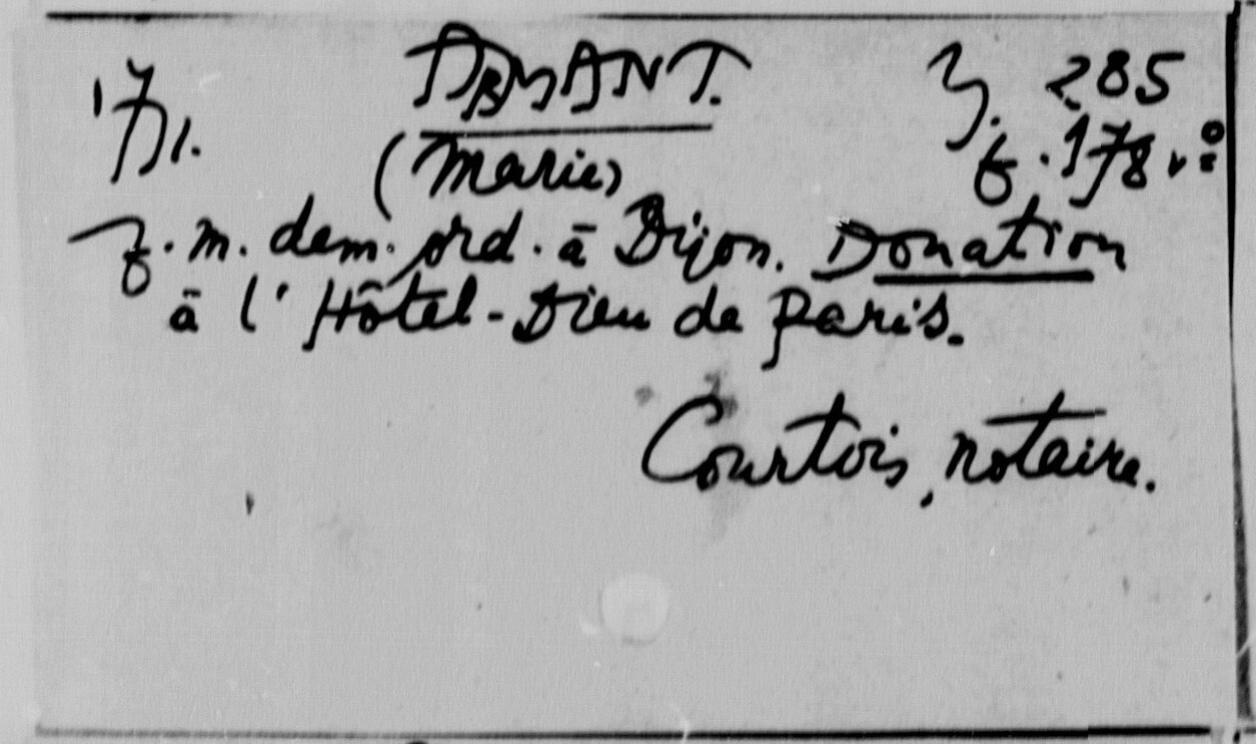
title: ARMANT (Marie)
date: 1711
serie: Y
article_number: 285
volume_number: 178v
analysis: Fille majeure, demeurant à Dijon. Donation à l'Hôtel-Dieu de Paris. Courtois, notaire.
